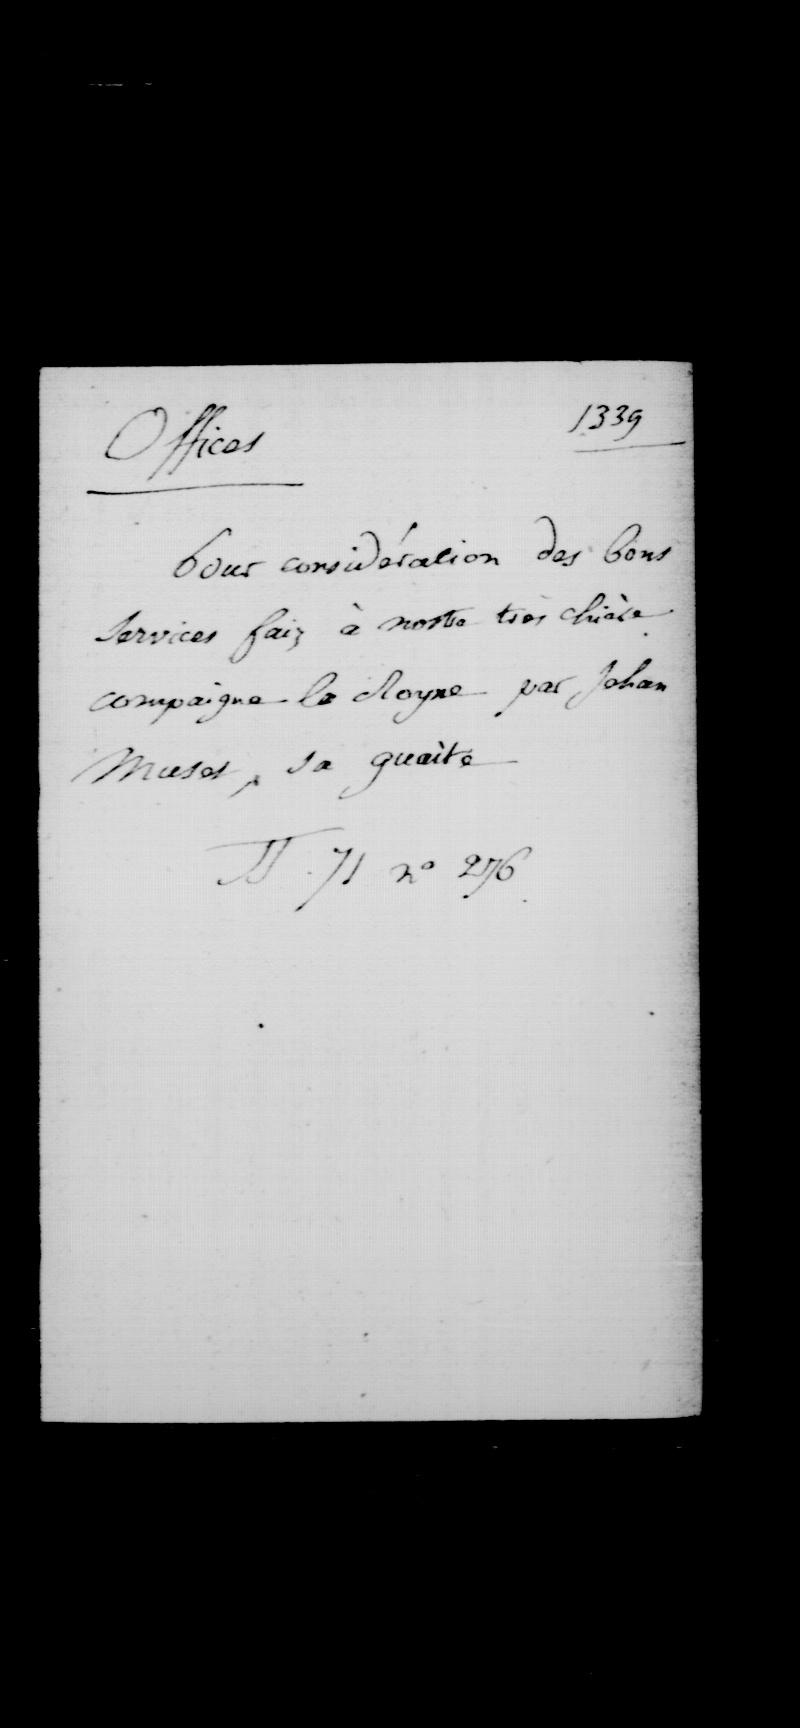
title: Offices
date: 1339
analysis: Pour considération des bons services faiz à nostre très chière compaigne la Royne par Jehan Muset, sa guaite
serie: JJ
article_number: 71
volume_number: n° 276
